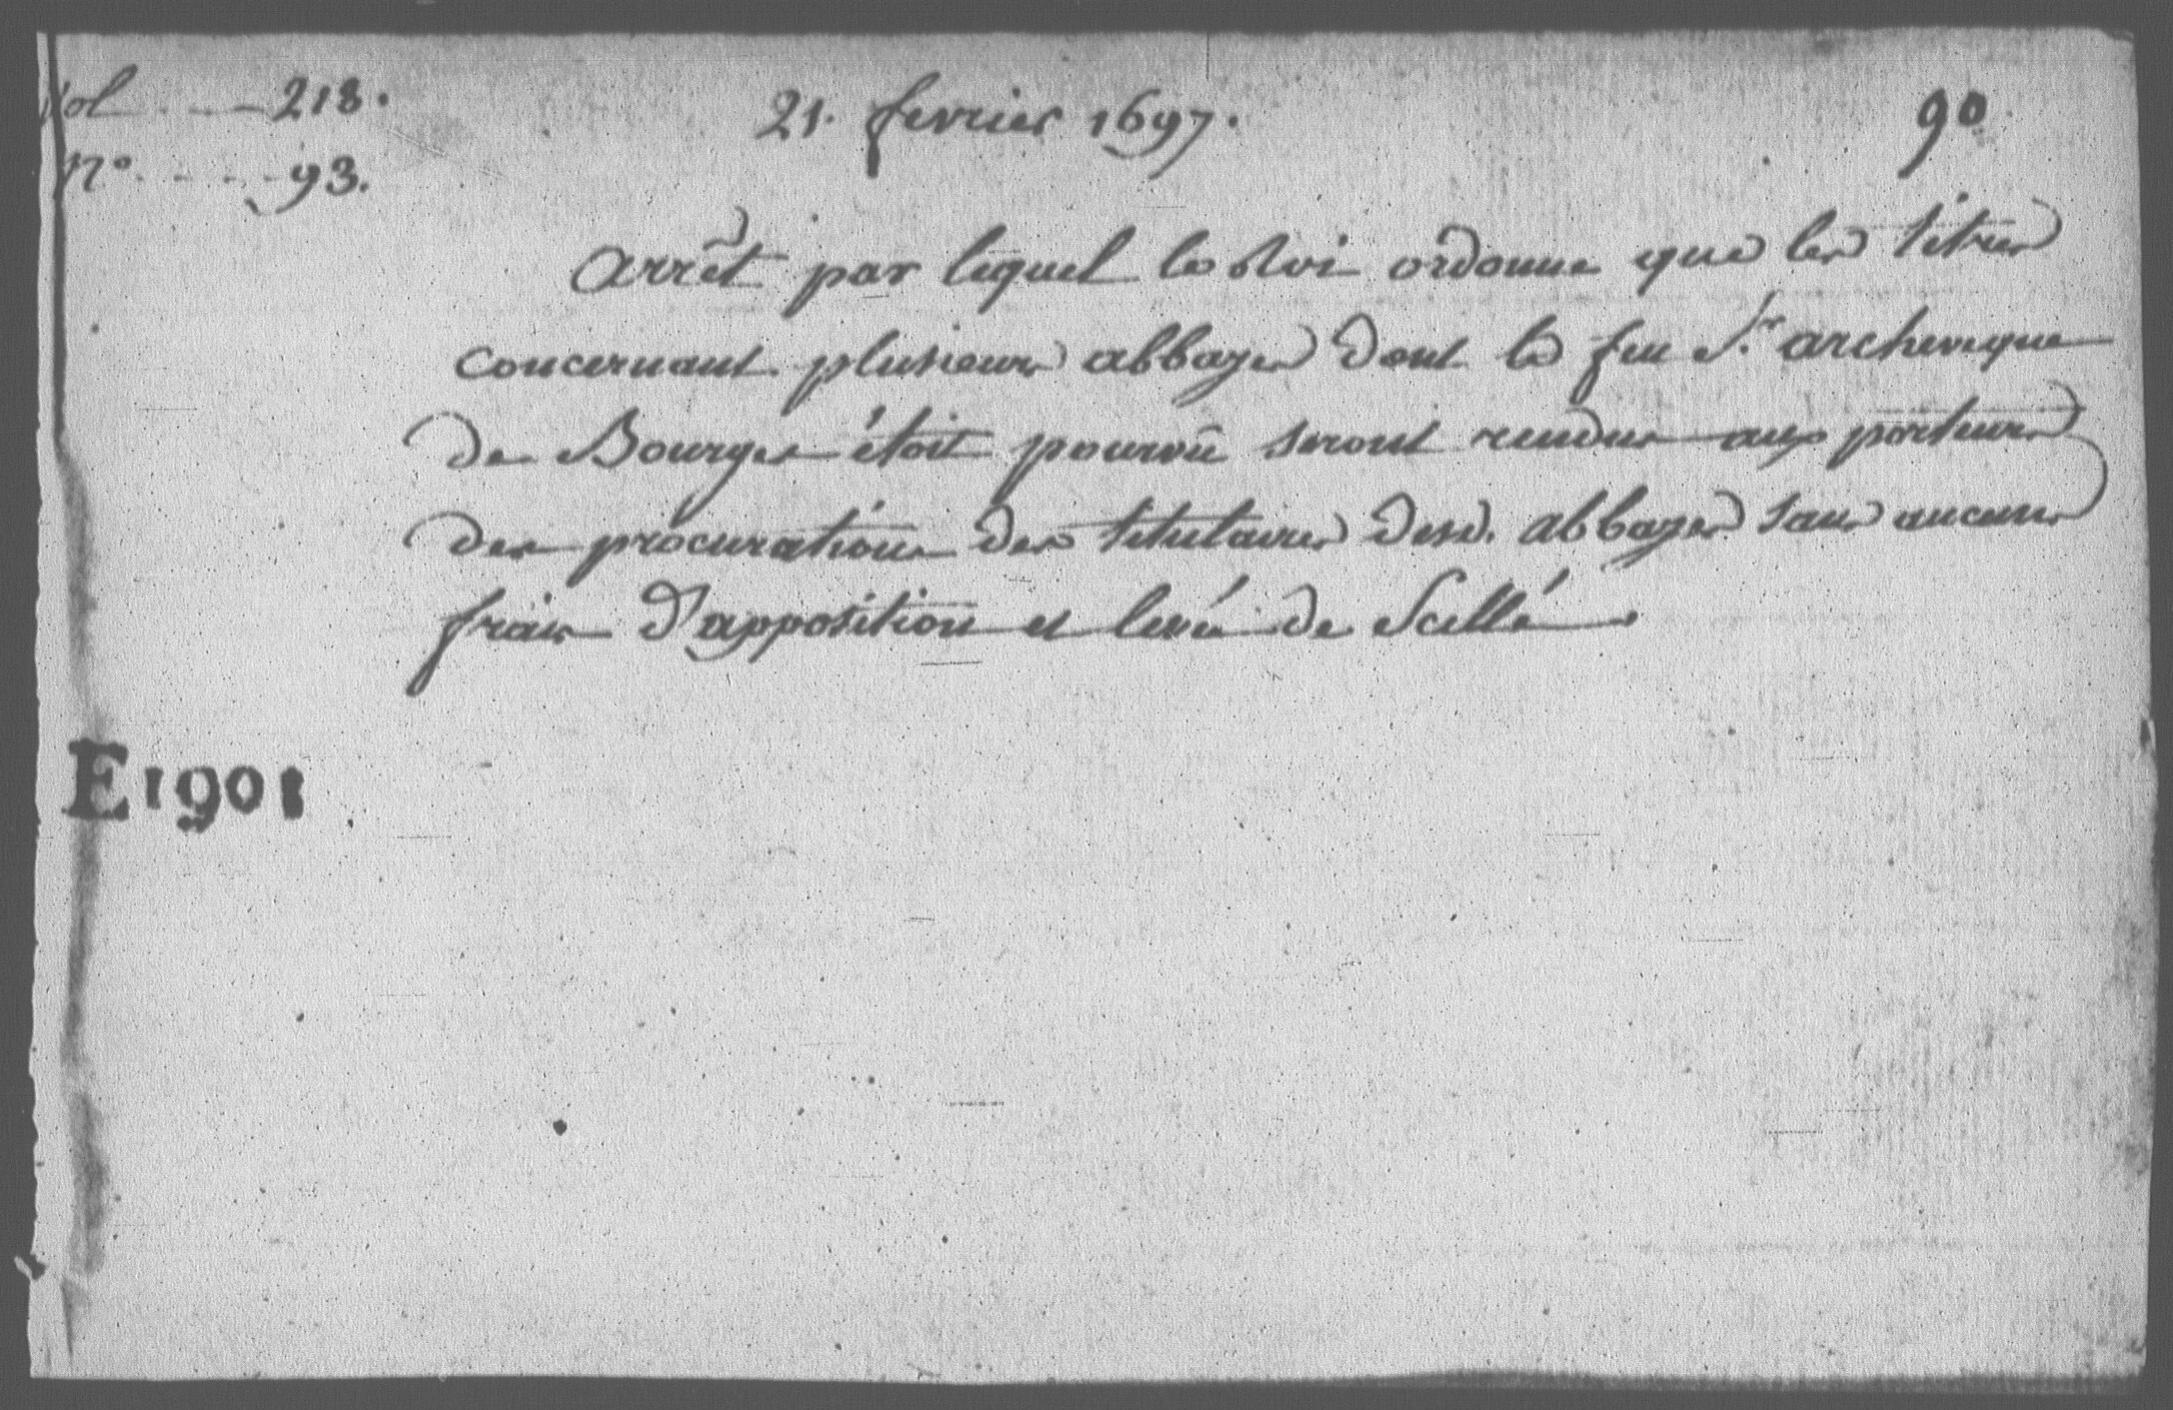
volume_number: n°93
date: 21 février 1697
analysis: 90
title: Arrêt par lequel le Roi ordonne que les titres concernant plusieurs abbayes dont le feu S.r archeveque de Bourges étoit pourvu seront rendus aux porteurs des procurations des titutaires desd. abbayes sans aucuns frais d'apposition et levée de Scellé
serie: E
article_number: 1901
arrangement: vol. 218
